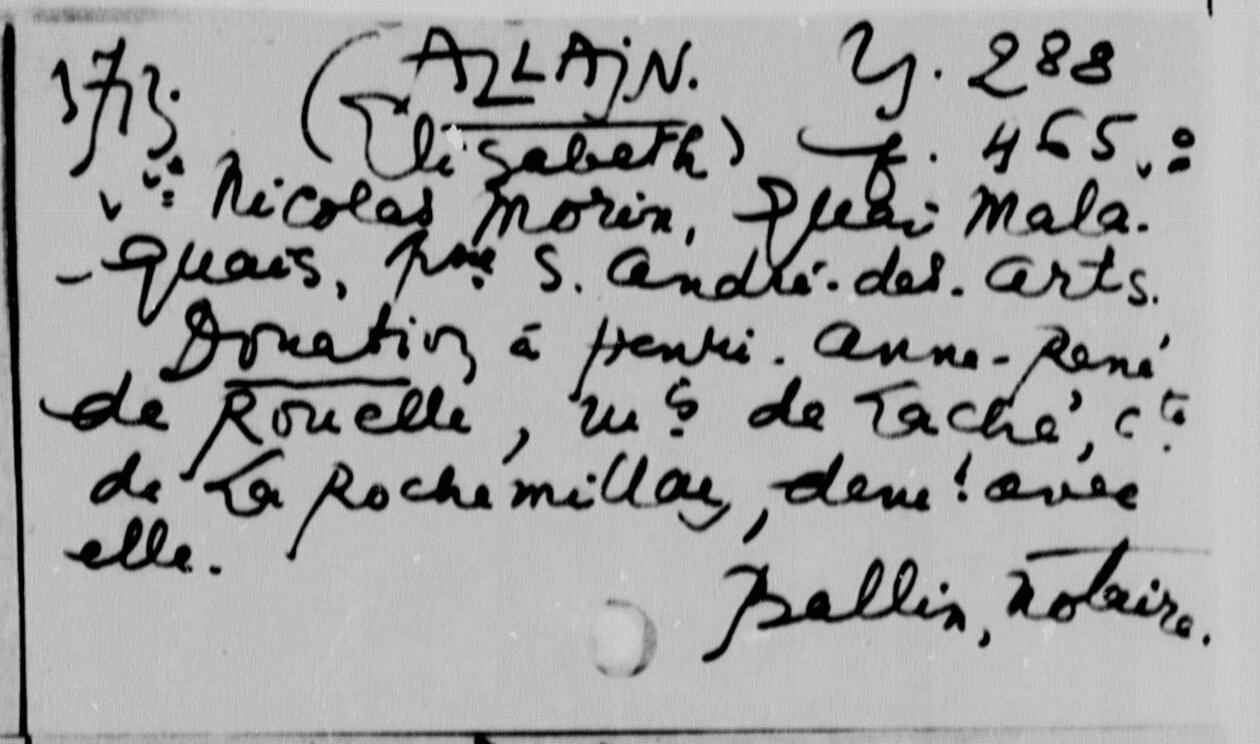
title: ALLAIN (Elisabeth)
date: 1713
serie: Y
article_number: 288
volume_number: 465 v°
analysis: Veuve Nicolas MORIN, quai Malaquais, paroisse Saint-André-des-Arts. Donation à Henri-Anne-René de ROUELLE, marquis de Laché, comte de La Rochemillon, demeurant avec elle. Bellin, notaire.
